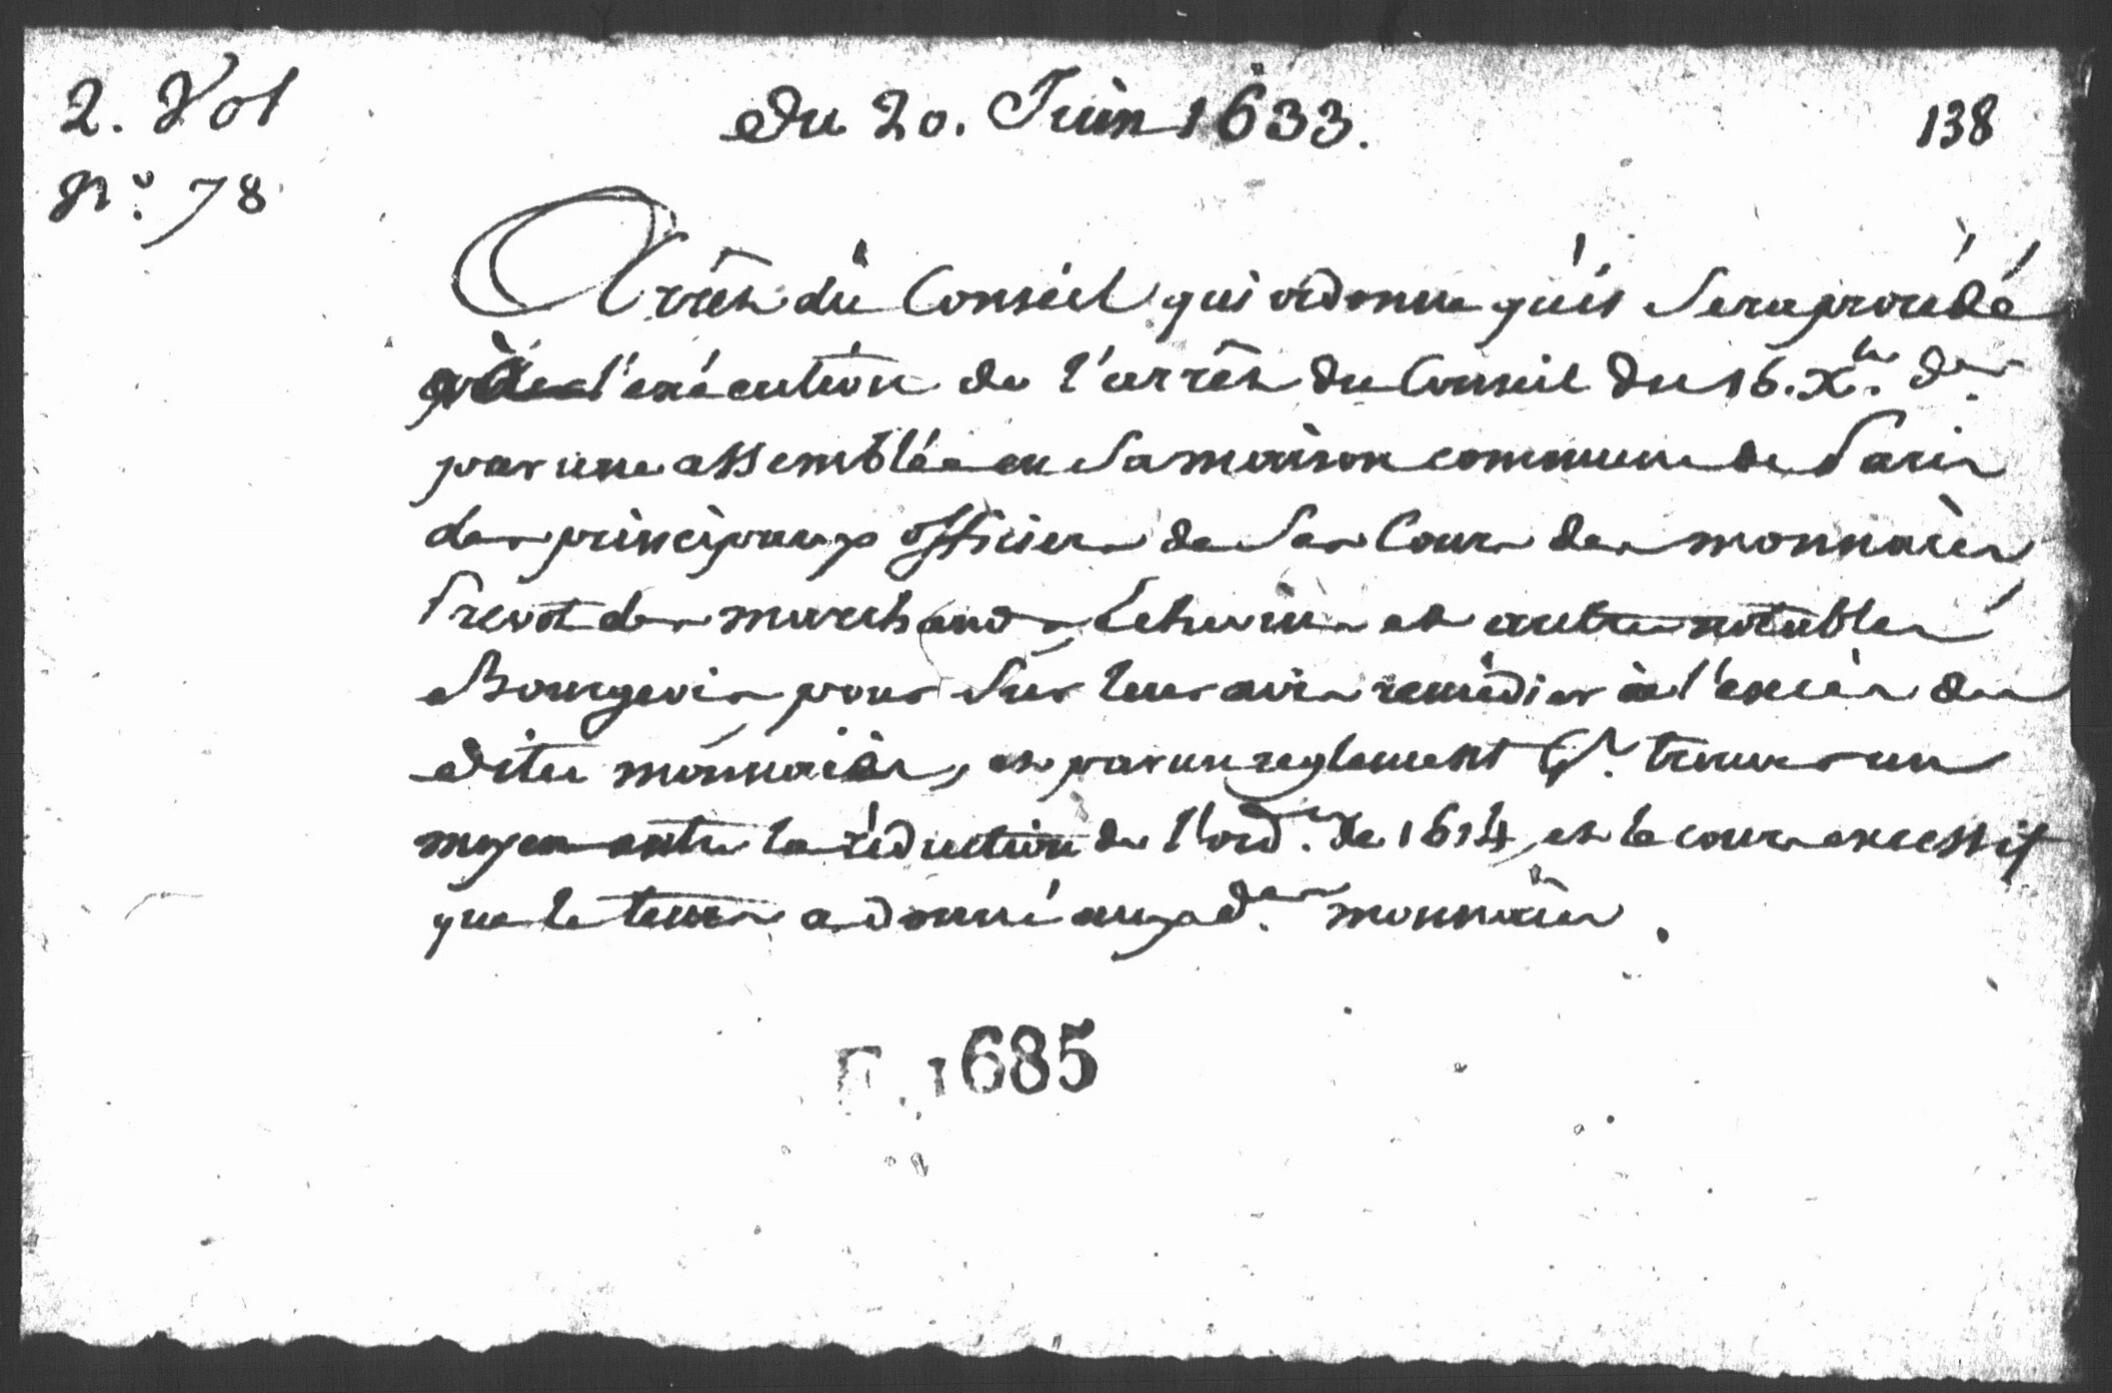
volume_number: n°78
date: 20 juin 1633
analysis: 138
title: Arrêt du conseil qui ordonne qu'il sera procédé à l'exécution de l'arrêt du Conseil du 16. x.bre d.er par une assemblée en sa maison commune de Paris des principaux officiers de ses Cours des monnaies, Prevot des marchands , Echevins et autres notables Bourgeois pour sur leur avis remédier à l'excès des dites monnaies, et par un reglement g.l trouver un moyen entre la réduction de l'ord.ce de 1614, et le cours excessif que le tems a donné auxd.es monnaies.
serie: E
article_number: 1685
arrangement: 2. vol
